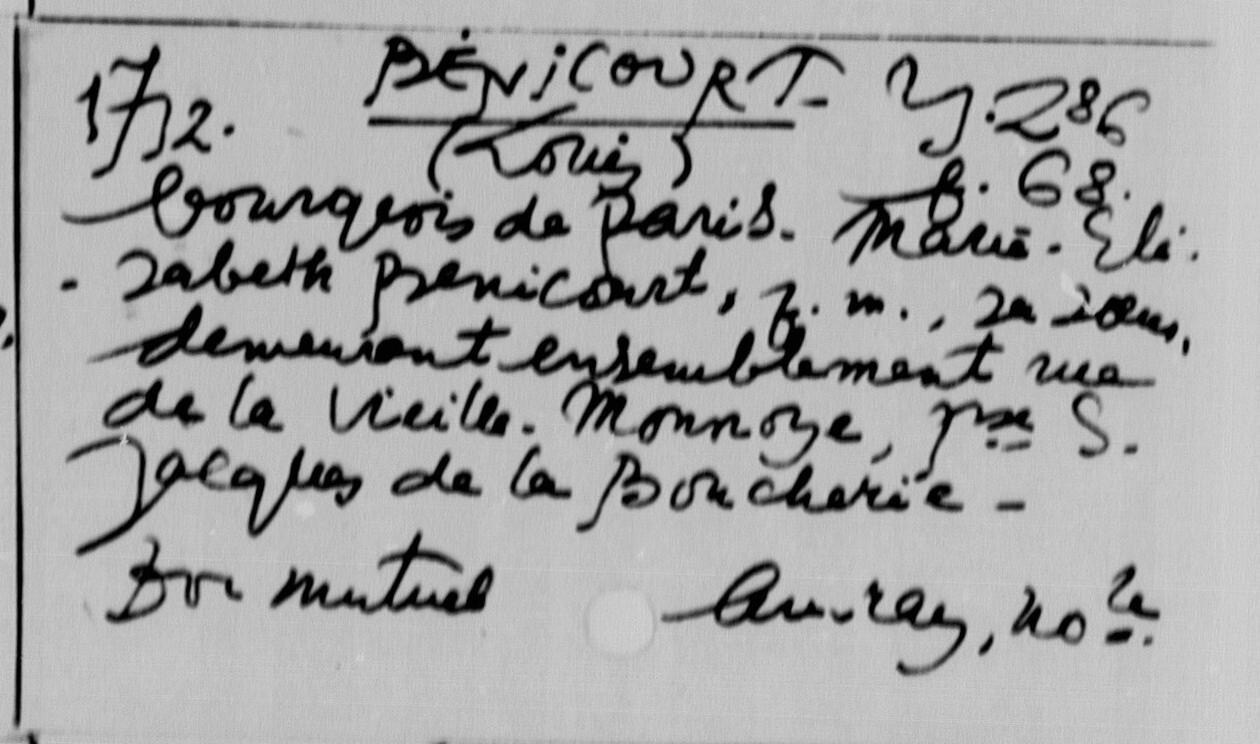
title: BÉNICOURT (Louis)
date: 1712
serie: Y
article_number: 286
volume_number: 68
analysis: Bourgeois de Paris. Marie-Elisabeth Bénicourt, fille majeure, sa sœur, demeurant ensemblement rue de la Vieille-Monnoye, paroisse Saint-Jacques-de la Boucherie. Don mutuel Auvray, notaire.
